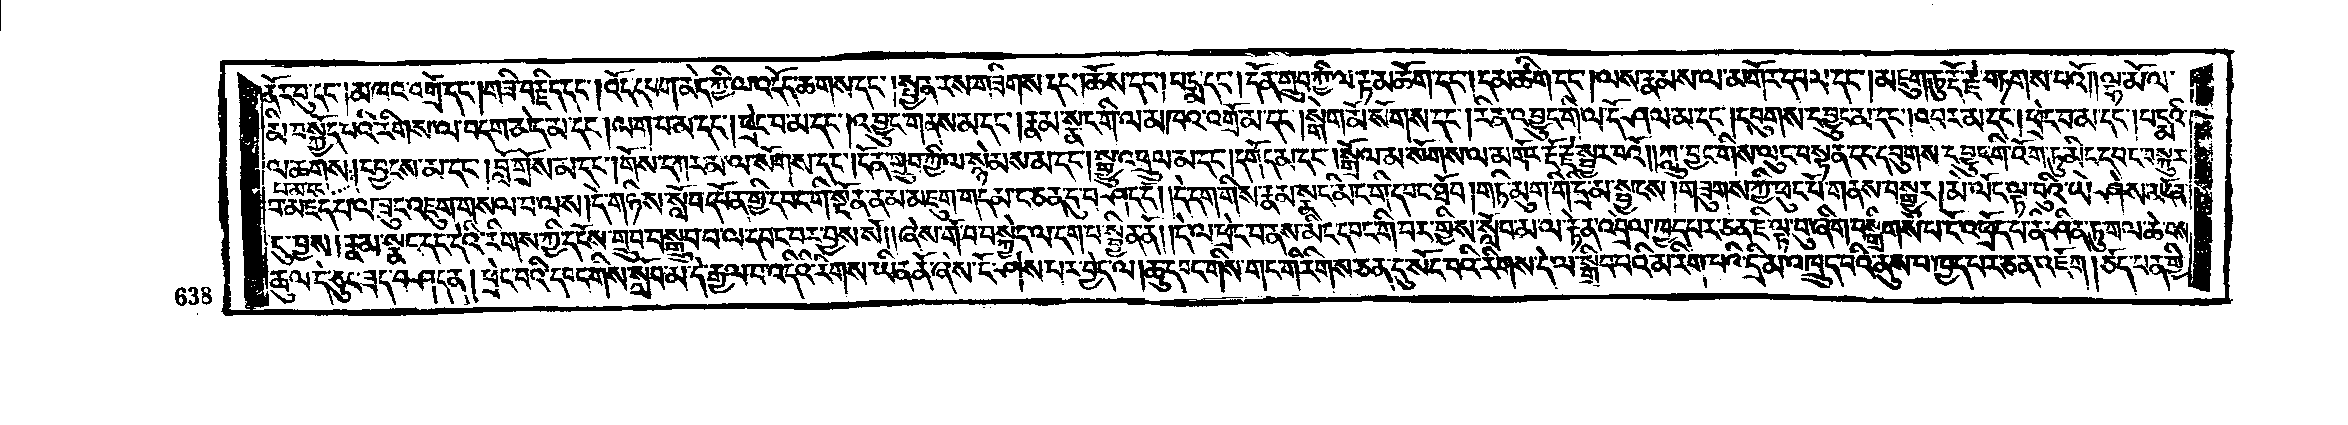ནོར་བུ་དང་། མཁའ་འགྲོ་དང་། གཟི་བརྗིད་དང་། འོད་དཔག་མེད་ཀྱི་ལ་འདོད་ཆགས་དང་། སྤྱན་རས་གཟིགས་དང་། ཆོས་དང་། པདམ་དང་། དོན་གྲུབ་ཀྱི་ལ་རྟ་མཆོག་དང་། དམ་ཚིག་དང་། ལས་རྣམས་ལ་མགོར་དཔལ་དང་། མཇུག་ཏུ་རྡོ་རྗེ་བཏགས་པའོ། །ལྷ་མོ་ལ་
མི་བསྐྱོད་པའི་རིགས་ལ་བདག་མེད་མ་དང་། ལག་པ་མ་དང་། ཕྲེང་བ་མ་དང་། འབྱུང་གནས་མ་དང་། རྣམ་སྣང་གི་ལ་མཁའ་འགྲོ་མ་དང་། སྒེག་མོ་སོགས་དང་། རིན་འབྱུང་གི་ལ་དོ་ཤལ་མ་དང་། དབུགས་དབྱུང་མ་དང་། འབར་མ་དང་། ཕྲེང་བ་མ་དང་། པདམའི་
ལ་ཆགས་པ་མ་དང་། དབྱངས་མ་དང་། བློ་གྲོས་མ་དང་། གོས་དཀར་མ་ལ་སོགས་དང་། དོན་གྲུབ་ཀྱི་ལ་སྙེམས་མ་དང་། སྒྱུ་འཕྲུལ་མ་དང་། དགོད་མ་དང་། སྒྲོལ་མ་སོགས་ལ་མགོར་རྡོ་རྗེ་སྦྱར་བའོ། །ཀླུ་བྱང་གིས་ལུང་བསྟན་དང་དབུགས་དབྱུང་གི་འོག་ཏུ་མིང་དབང་བསྐུར་
བ་མཛད་པ་ལ་ཟུང་འཇུག་གསལ་བ་ལས། དེ་གཉིས་སློབ་དཔོན་གྱི་དབང་གི་སྔོན་ནམ་མཇུག་གདམ་ང་ཅན་དུ་བཤད་དོ། །དེ་དག་གིས་རྣམ་སྣང་མིང་གི་དབང་ཐོབ། གཏི་མུག་གི་དྲི་མ་སྦྱངས། གཟུགས་ཀྱི་ཕུང་པོ་གནས་བསྒྱུར། མེ་ལོང་ལྟ་བུའི་ཡེ་ཤེས་མངོན་
དུ་བྱས། རྣམ་སྣང་དང་དེའི་རིགས་ཀྱི་དངོས་གྲུབ་བསྒྲུབ་པ་ལ་དབང་བར་བྱས་སོ། །ཞེས་གོ་བ་བསྐྱེད་ལ་དག་པ་སྦྱིན་ནོ། །དེ་ལ་ཕྲེང་བ་ནས་མིང་དབང་གི་བར་གྱིས་སློབ་མ་ལ་རྟེན་འབྲེལ་ཁྱད་པར་ཅན་ཇི་ལྟ་བུ་ཞིག་བསྒྲིགས་པ་ངོ་འཕྲོད་པ་ནི་ཤིན་ཏུ་གལ་ཆེ་བས་
ཚུལ་དེ་ཅུང་ཟད་བཤད་ན། ཕྲེང་བའི་དབང་གིས་སློབ་མ་དེ་རྒྱལ་བ་འདིའི་རིགས་ཡིན་ནོ་ཞེས་ངོ་ཤེས་པར་བྱེད་ལ། ཆུ་དབང་གིས་གང་གི་རིགས་ཅན་དུ་སོང་བའི་རིགས་དེ་ལ་སྒྲིབ་པའི་མ་རིག་པའི་དྲི་མ་འཁྲུད་པའི་ནུས་པ་ཁྱད་པར་ཅན་འཇོག །ཅོད་པན་གྱི་